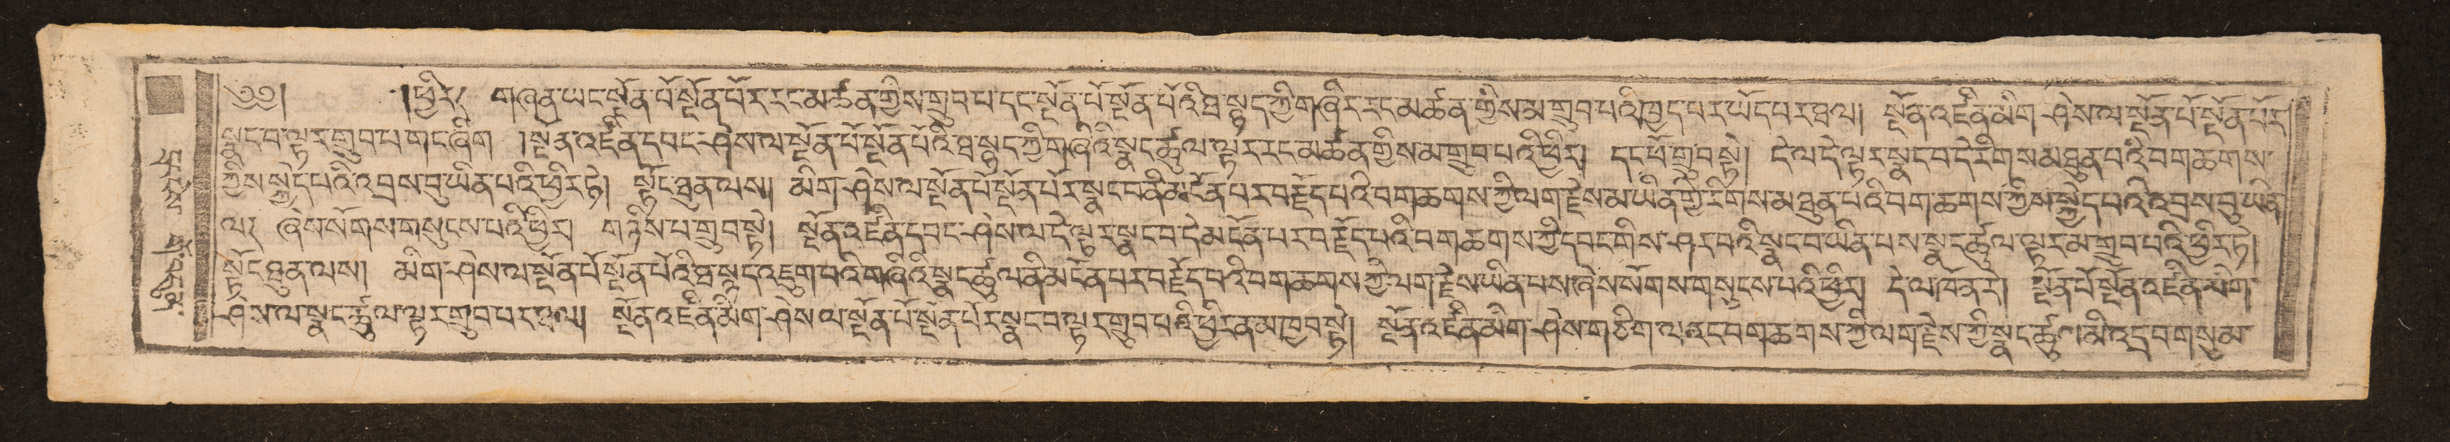༄༅། །ཕྱིར༑ གཞན་ཡང་སྔོན་པོ་སྔོན་པོར་རང་མཚན་གྱིས་གྲུབ་པ་དང་སྔོན་པོ་སྔོན་པོའི་ཐ་སྙད་ཀྱི་གཞིར་རང་མཚན་གྱིས་མ་གྲུབ་པའི་ཁྱད་པར་ཡོད་པར་ཐལ། སྔོན་འཛིན་མིག་ཤེས་ལ་སྔོན་པོ་སྔོན་པོར་
སྣང་བ་ལྟར་གྲུབ་པ་གང་ཞིག །སྔོན་འཛིན་དབང་ཤེས་ལ་སྔོན་པོ་སྔོན་པོའི་ཐ་སྙད་ཀྱི་གཞིའི་སྣང་ཚུལ་ལྟར་རང་མཚན་གྱིས་མ་གྲུབ་པའི་ཕྱིར། དང་པོ་གྲུབ་སྟེ། དེ་ལ་དེ་ལྟར་སྣང་བ་དེ་རིགས་མཐུན་པའི་བག་ཆགས་
ཀྱིས་སྐྱེད་པའི་འབྲས་བུ་ཡིན་པའི་ཕྱིར་ཏེ། སྟོང་ཐུན་ལས། མིག་ཤེས་ལ་སྔོན་པོ་སྔོན་པོར་སྣང་བ་ནི་མངོན་པར་བརྗོད་པའི་བག་ཆགས་ཀྱི་ལག་རྗེས་མ་ཡིན་གྱི་རིགས་མཐུན་པའི་བག་ཆགས་ཀྱིས་སྐྱེད་པའི་འབྲས་བུ་ཡིན་
ལ༑ ཞེས་སོགས་གསུངས་པའི་ཕྱིར། གཉིས་པ་གྲུབ་སྟེ། སྔོན་འཛིན་དབང་ཤེས་ལ་དེ་ལྟར་སྣང་བ་དེ་མངོན་པར་བརྗོད་པའི་བག་ཆགས་ཀྱི་དབང་གིས་ཤར་བའི་སྣང་བ་ཡིན་པས་སྣང་ཚུལ་ལྟར་མ་གྲུབ་པའི་ཕྱིར་ཏེ།
སྟོང་ཐུན་ལས། མིག་ཤེས་ལ་སྔོན་པོ་སྔོན་པོའི་ཐ་སྙད་འཇུག་པའི་གཞིའི་སྣང་ཚུལ་ནི་མངོན་པར་བརྗོད་པའི་བག་ཆགས་ཀྱི་ལག་རྗེས་ཡིན་པས་ཞེས་སོགས་གསུངས་པའི་ཕྱིར། དེ་ལ་ཁོ་ན་རེ། སྔོན་པོ་སྔོན་འཛིན་མིག་
ཤེས་ལ་སྣང་ཚུལ་ལྟར་གྲུབ་པར་ཐལ། སྔོན་འཛིན་མིག་ཤེས་ལ་སྔོན་པོ་སྔོན་པོར་སྣང་བ་ལྟར་གྲུབ་པའི་ཕྱིར་ན་མ་ཁྱབ་སྟེ། སྔོན་འཛིན་མིག་ཤེས་གཅིག་ལའང་བག་ཆགས་ཀྱི་ལག་རྗེས་ཀྱི་སྣང་ཚུལ་མི་འདྲ་བ་གསུམ་